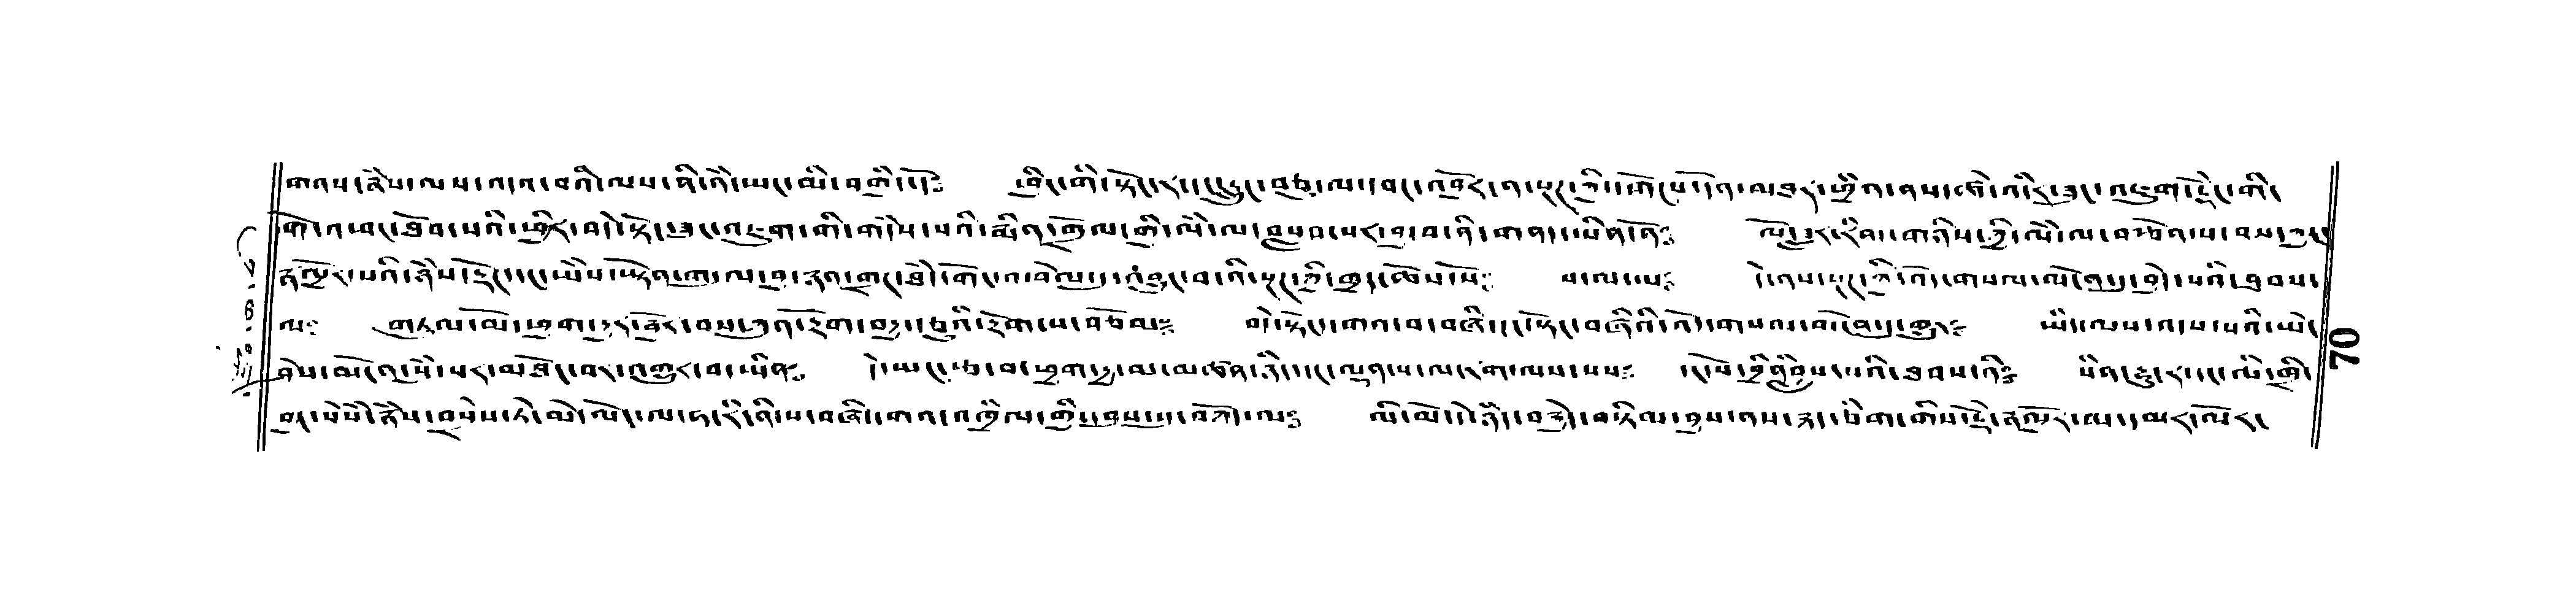གནས་རྣམས་ལས་འདའ་བའི་ལས་ནི་ནམ་ཡང་མི་བགྱིད་དོ༔ ཕྱི་ནང་གི་སྟོང་ར་དང་རླུང་བཅུ་ལ་དབང་འབྱོར་ན་སྔགས་ཀྱི་དགོངས་དོན་མཐར་ཕྱིན་ནས་ཚེ་འདིར་ཟུང་འཇུག་རྡོ་རྗེ་འཆང་གི་
གོ་འཕང་ཐོབ་པའི་ཕྱིར་བདེ་སྟོང་ཟུང་འཇུག་གི་གདམས་པའི་སྨིན་གྲོལ་གྱི་ལམ་ལ་བསླབ་པར་བྱ་བ་ནི་གནད་ཡིན་ནོ༔ ལོ་ཟླར་རིམ་གཉིས་ཀྱི་ལམ་ལ་བརྩོན་པ་བས་ཀྱང་
རྣལ་འབྱོར་པའི་ཉམས་རྟོགས་དང་ཡེ་ཤེས་ཡོན་ཏན་གདུལ་བྱ་སྙན་གྲགས་ཐམས་ཅད་གོང་འཕེལ་དུ་འབྱུང་བ་ནི་སྔགས་ཀྱི་ཁྱད་ཆོས་སོ༔ ས་མ་ཡ༔ དེ་ནས་སྔགས་ཀྱི་འོད་གསལ་མངོན་དུ་བྱེད་པའི་ཐབས་
ལ༔ གཏུམ་མོ་ཕྱག་རྒྱར་སྦྱོར་བས་ཀུན་རྟོག་བརྒྱད་ཅུའི་རྟོག་པ་བཅོམ༔ བདེ་སྟོང་དགའ་བ་བཞི་དང་སྟོང་བཞིའི་འོད་གསལ་མངོན་དུ་གྱུར༔ ཡིད་ལས་འདས་པའི་ཡེ་
ཤེས་མངོན་སུམ་སར་མཐོང་བར་འགྱུར་བ་ཡིན༔ དེ་ཡང་རྩ་བ་ཕྱག་རྒྱ་མ་མཚན་ཉིད་དང་ལྡན་པ་ལ་རག་ལས་པས༔ དང་པོ་བྱིན་གྱིས་བརླབས་པའི་ཐབས་ནི༔ སིན་རྒྱུ་ར་དང་ལི་ཁྲི་
བྱང་སེམས་རྣམས་བསྲེས་ཏེ་མེ་ལོང་ལ་ཧ་རི་ནི་ས་བཞི་དགའ་འཁྱིལ་གྱི་དབུས་སུ་བཀོད་ལ༔ མི་མོ་དེ་ཉིད་བསྐྱེད་བསྟིམ་བྱས་ནས་སྐད་ཅིག་གིས་རྡོ་རྗེ་རྣལ་འབྱོར་མ་དམར་མོར་